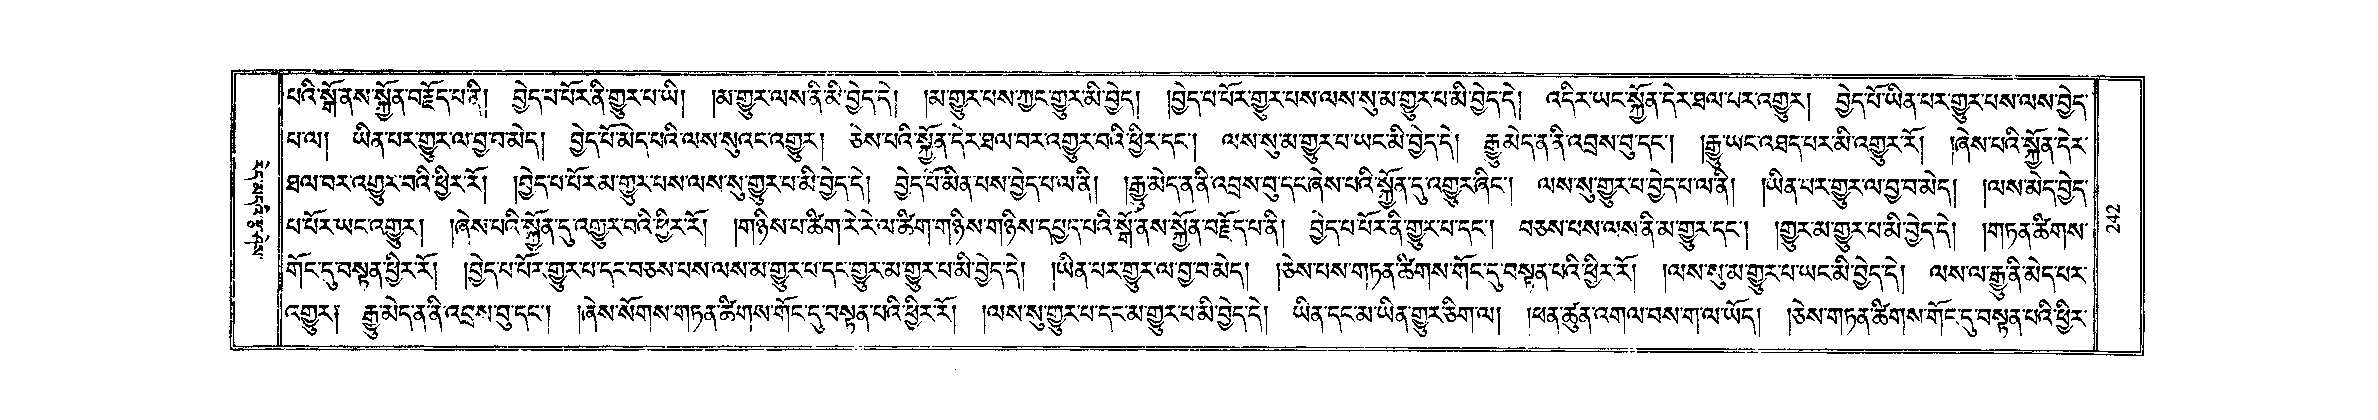པའི་སྒོ་ནས་སྐྱོན་བརྗོད་པ་ནི། བྱེད་པ་པོར་ནི་གྱུར་པ་ཡི། །མ་གྱུར་ལས་ནི་མི་བྱེད་དེ། །མ་གྱུར་པས་ཀྱང་གྱུར་མི་བྱེད། །བྱེད་པ་པོར་གྱུར་པས་ལས་སུ་མ་གྱུར་པ་མི་བྱེད་དེ། འདིར་ཡང་སྐྱོན་དེར་ཐལ་བར་འགྱུར། བྱེད་པོ་ཡིན་པར་གྱུར་པས་ལས་བྱེད་
པ་ལ། ཡིན་པར་གྱུར་ལ་བྱ་བ་མེད། བྱེད་པོ་མེད་པའི་ལས་སུའང་འགྱུར། ཅེས་པའི་སྐྱོན་དེར་ཐལ་བར་འགྱུར་བའི་ཕྱིར་དང་། ལས་སུ་མ་གྱུར་པ་ཡང་མི་བྱེད་དེ། རྒྱུ་མེད་ན་ནི་འབྲས་བུ་དང་། །རྒྱུ་ཡང་འཐད་པར་མི་འགྱུར་རོ། །ཞེས་པའི་སྐྱོན་དེར་
ཐལ་བར་འགྱུར་བའི་ཕྱིར་རོ། །བྱེད་པ་པོར་མ་གྱུར་པས་ལས་སུ་གྱུར་པ་མི་བྱེད་དེ། བྱེད་པོ་མིན་པས་བྱེད་པ་ལ་ནི། །རྒྱུ་མེད་ན་ནི་འབྲས་བུ་དང་ཞེས་པའི་སྐྱོན་དུ་འགྱུར་ཞིང་། ལས་སུ་གྱུར་པ་བྱེད་པ་ལ་ནི། །ཡིན་པར་གྱུར་ལ་བྱ་བ་མེད། །ལས་མེད་བྱེད་
པ་པོར་ཡང་འགྱུར། །ཞེས་པའི་སྐྱོན་དུ་འགྱུར་བའི་ཕྱིར་རོ། །གཉིས་པ་ཚིག་རེ་རེ་ལ་ཚིག་གཉིས་གཉིས་དཔྱད་པའི་སྒོ་ནས་སྐྱོན་བརྗོད་པ་ནི། བྱེད་པ་པོར་ནི་གྱུར་པ་དང་། བཅས་པས་ལས་ནི་མ་གྱུར་དང་། །གྱུར་མ་གྱུར་པ་མི་བྱེད་དེ། །གཏན་ཚིགས་
གོང་དུ་བསྟན་ཕྱིར་རོ། །བྱེད་པ་པོར་གྱུར་པ་དང་བཅས་པས་ལས་མ་གྱུར་པ་དང་གྱུར་མ་གྱུར་པ་མི་བྱེད་དེ། །ཡིན་པར་གྱུར་ལ་བྱ་བ་མེད། །ཅེས་པས་གཏན་ཚིགས་གོང་དུ་བསྟན་པའི་ཕྱིར་རོ། །ལས་སུ་མ་གྱུར་པ་ཡང་མི་བྱེད་དེ། ལས་ལ་རྒྱུ་ནི་མེད་པར་
འགྱུར༑ རྒྱུ་མེད་ན་ནི་འབྲས་བུ་དང་། །ཞེས་སོགས་གཏན་ཚིགས་གོང་དུ་བསྟན་པའི་ཕྱིར་རོ། །ལས་སུ་གྱུར་པ་དང་མ་གྱུར་པ་མི་བྱེད་དེ། ཡིན་དང་མ་ཡིན་གྱུར་ཅིག་ལ། །ཕན་ཚུན་འགལ་བས་ག་ལ་ཡོད། །ཅེས་གཏན་ཚིགས་གོང་དུ་བསྟན་པའི་ཕྱིར་